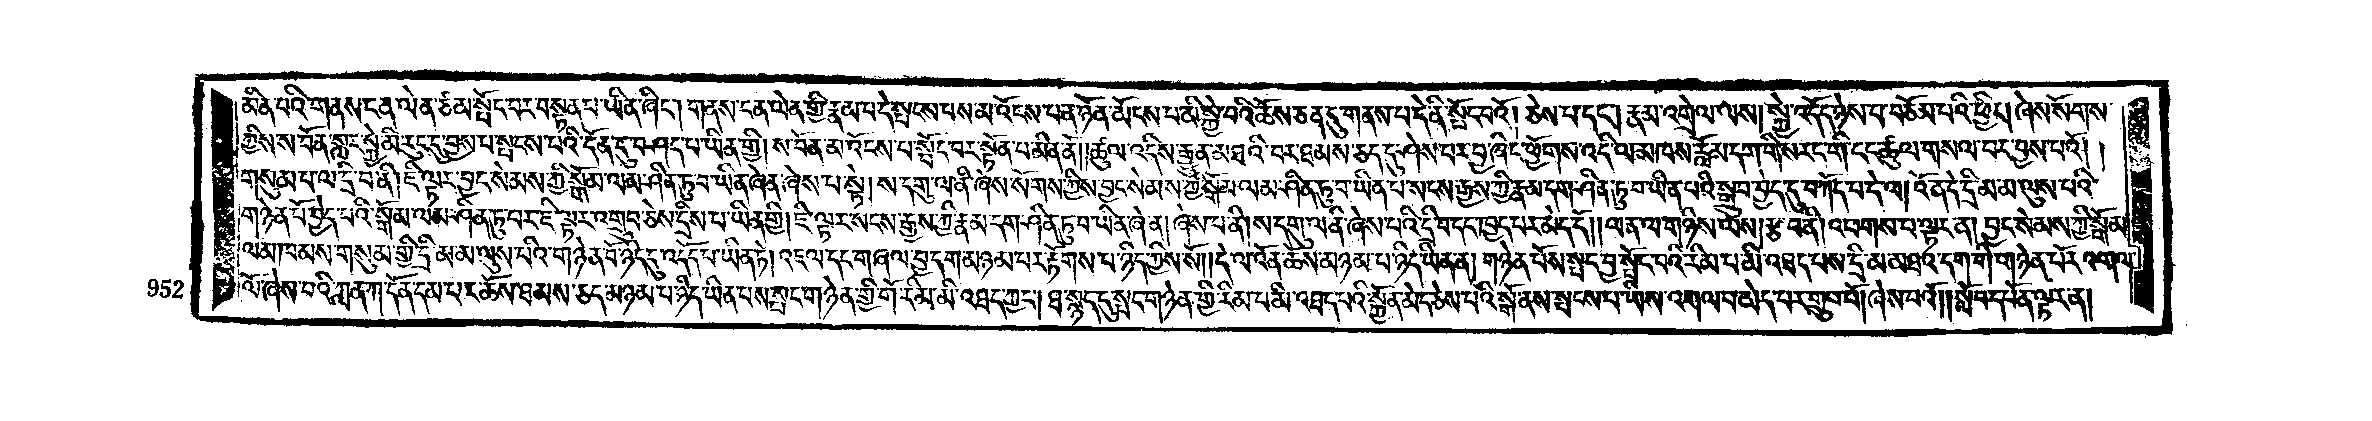མིན་པའི་གནས་ངན་ལེན་ཙམ་སྤོང་བར་བསྟན་པ་ཡིན་ཞིང་། གནས་ངན་ལེན་གྱི་རྣམ་པ་དེ་སྤངས་པས་མ་འོངས་པ་ན་ཉོན་མོངས་པ་མི་སྐྱེ་བའི་ཆོས་ཅན་དུ་གནས་པ་དེ་ནི་སྤོང་བའོ། ཅེས་པ་དང་། རྣམ་འགྲེལ་ལས། སྐྱེ་འདོད་ཉེས་པ་བཅོམ་པའི་ཕྱིར། ཞེས་སོགས་
ཀྱིས་ས་བོན་སླར་སྐྱེ་མི་རུང་དུ་བྱས་པ་སྤངས་པའི་དོན་དུ་བཤད་པ་ཡིན་གྱི། ས་བོན་མ་འོངས་པ་སྤོང་བར་སྟོན་པ་མིན་ནོ། །ཚུལ་འདིས་རྒྱུན་མཐའི་བར་ཐམས་ཅད་དུ་ཤེས་པར་བྱ་ཞིང་ཕྱོགས་འདི་ལ་མཁས་རློམ་དག་གིས་རང་གི་ངང་ཚུལ་གསལ་བར་བྱས་པའོ། །
གསུམ་པ་ལ་དྲི་བ་ནི། ཇི་ལྟར་བྱང་སེམས་ཀྱི་སྒོམ་ལམ་ཤིན་ཏུ་བ་ཡིན་ཞེན་ཞེས་པ་སྟེ། ས་དགུ་ལ་ནི་ཞེས་སོགས་ཀྱིས་བྱང་སེམས་ཀྱི་སྒོམ་ལམ་ཤིན་ཏུ་བ་ཡིན་པ་སངས་རྒྱས་ཀྱི་རྣམ་དག་ཤིན་ཏུ་བ་ཡིན་པའི་སྒྲུབ་བྱེད་དུ་བཀོད་པ་དེ་ལ། འོ་ན་དེ་དྲི་མ་མ་ལུས་པའི་
གཉེན་པོ་བྱེད་པའི་སྒོམ་ལམ་ཤིན་ཏུ་བར་ཇི་ལྟར་འགྲུབ་ཅེས་དྲིས་པ་ཡིན་གྱི། ཇི་ལྟར་སངས་རྒྱས་ཀྱི་རྣམ་དག་ཤིན་ཏུ་བ་ཡིན་ཞེ་ན། ཞེས་པ་ནི། ས་དགུ་ལ་ནི་ཞེས་པའི་དྲི་བ་དང་ཁྱད་པར་མེད་དོ། །ལན་ལ་གཉིས་ལས། རྩ་བ་ནི། འཕགས་པ་ལྟར་ན། བྱང་སེམས་ཀྱི་སྒོམ་
ལམ་ཁམས་གསུམ་གྱི་དྲི་མ་མ་ལུས་པའི་གཉེན་པོ་ཉིད་དུ་འདོད་པ་ཡིན་ཏེ། འཇལ་དང་གཞལ་བྱ་དག་མཉམ་པར་རྟོགས་པ་ཉིད་ཀྱིས་སོ། །དེ་ལ་འོ་ན་ཆོས་མཉམ་པ་ཉིད་ཡིན་ན། གཉེན་པོས་སྤང་བྱ་སྤོང་བའི་རིམ་པ་མི་འཐད་པས་དྲི་མ་མཐའ་དག་གི་གཉེན་པོར་འགལ་
ལོ་ཞེས་པའི་ཀླན་ཀ་དོན་དམ་པར་ཆོས་ཐམས་ཅད་མཉམ་པ་ཉིད་ཡིན་པས་སྤང་གཉེན་གྱི་གོ་རིམ་མི་འཐད་ཀྱང་། ཐ་སྙད་དུ་སྤང་གཉེན་གྱི་རིམ་པ་མི་འཐད་པའི་སྐྱོན་མེད་ཅེས་པའི་སྒོ་ནས་སྤངས་པ་ཡིས་འགལ་བ་མེད་པར་གྲུབ་བོ། ཞེས་པའོ། །སློབ་དཔོན་ལྟར་ན།